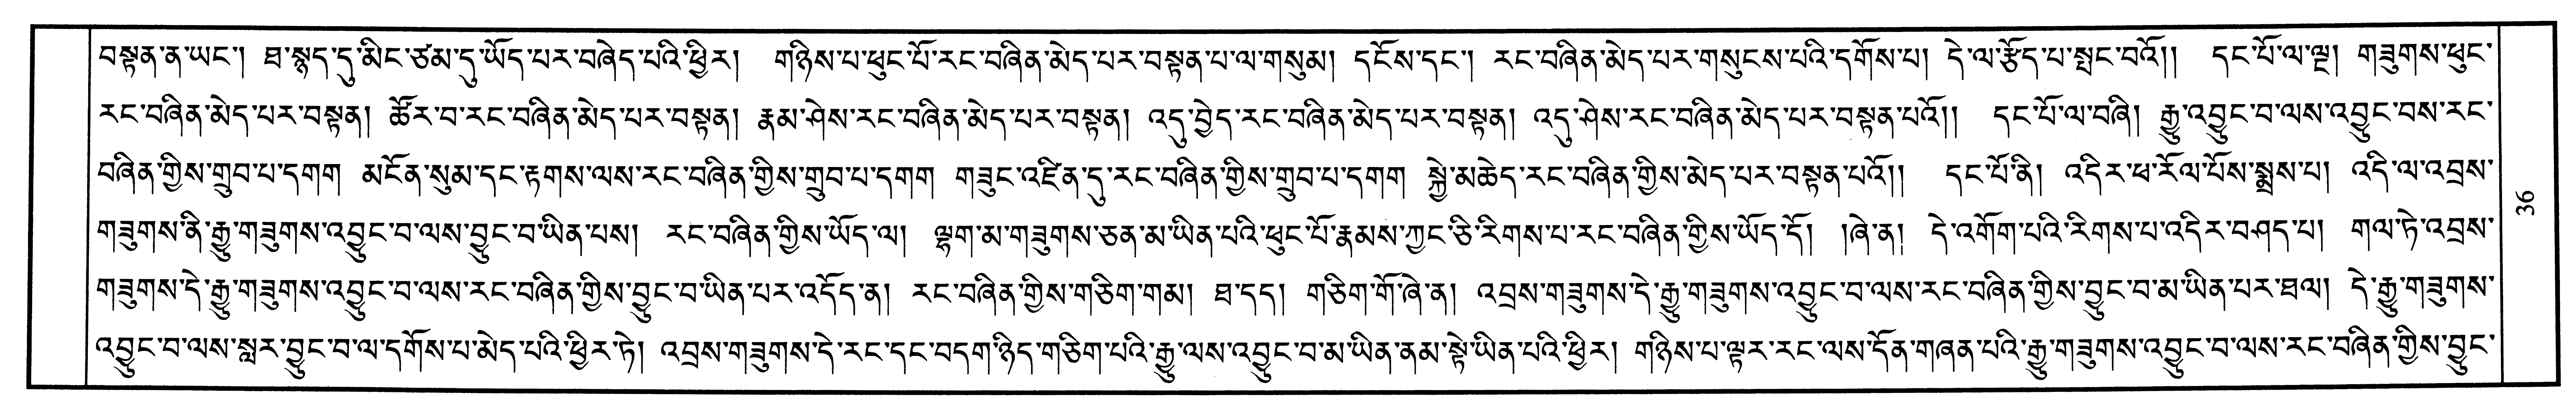བསྟན་ན་ཡང་། ཐ་སྙད་དུ་མིང་ཙམ་དུ་ཡོད་པར་བཞེད་པའི་ཕྱིར། གཉིས་པ་ཕུང་པོ་རང་བཞིན་མེད་པར་བསྟན་པ་ལ་གསུམ། དངོས་དང་། རང་བཞིན་མེད་པར་གསུངས་པའི་དགོས་པ། དེ་ལ་རྩོད་པ་སྤང་བའོ།། དང་པོ་ལ་ལྔ། གཟུགས་ཕུང་
རང་བཞིན་མེད་པར་བསྟན། ཚོར་བ་རང་བཞིན་མེད་པར་བསྟན། རྣམ་ཤེས་རང་བཞིན་མེད་པར་བསྟན། འདུ་བྱེད་རང་བཞིན་མེད་པར་བསྟན། འདུ་ཤེས་རང་བཞིན་མེད་པར་བསྟན་པའོ།། དང་པོ་ལ་བཞི། རྒྱུ་འབྱུང་བ་ལས་འབྱུང་བས་རང་
བཞིན་གྱིས་གྲུབ་པ་དགག་མངོན་སུམ་དང་རྟགས་ལས་རང་བཞིན་གྱིས་གྲུབ་པ་དགག་གཟུང་འཛིན་དུ་རང་བཞིན་གྱིས་གྲུབ་པ་དགག་སྐྱེ་མཆེད་རང་བཞིན་གྱིས་མེད་པར་བསྟན་པའོ།། དང་པོ་ནི། འདིར་ཕ་རོལ་པོས་སྨྲས་པ། འདི་ལ་འབྲས་
གཟུགས་ནི་རྒྱུ་གཟུགས་འབྱུང་བ་ལས་བྱུང་བ་ཡིན་པས། རང་བཞིན་གྱིས་ཡོད་ལ། ལྷག་མ་གཟུགས་ཅན་མ་ཡིན་པའི་ཕུང་པོ་རྣམས་ཀྱང་ཅི་རིགས་པ་རང་བཞིན་གྱིས་ཡོད་དོ། །ཞེ་ན། དེ་འགོག་པའི་རིགས་པ་འདིར་བཤད་པ། གལ་ཏེ་འབྲས་
གཟུགས་དེ་རྒྱུ་གཟུགས་འབྱུང་བ་ལས་རང་བཞིན་གྱིས་བྱུང་བ་ཡིན་པར་འདོད་ན། རང་བཞིན་གྱིས་གཅིག་གམ། ཐ་དད། གཅིག་གོ་ཞེ་ན། འབྲས་གཟུགས་དེ་རྒྱུ་གཟུགས་འབྱུང་བ་ལས་རང་བཞིན་གྱིས་བྱུང་བ་མ་ཡིན་པར་ཐལ། དེ་རྒྱུ་གཟུགས་
འབྱུང་བ་ལས་སླར་བྱུང་བ་ལ་དགོས་པ་མེད་པའི་ཕྱིར་ཏེ། འབྲས་གཟུགས་དེ་རང་དང་བདག་ཉིད་གཅིག་པའི་རྒྱུ་ལས་འབྱུང་བ་མ་ཡིན་ནམ་སྟེ་ཡིན་པའི་ཕྱིར། གཉིས་པ་ལྟར་རང་ལས་དོན་གཞན་པའི་རྒྱུ་གཟུགས་འབྱུང་བ་ལས་རང་བཞིན་གྱིས་བྱུང་